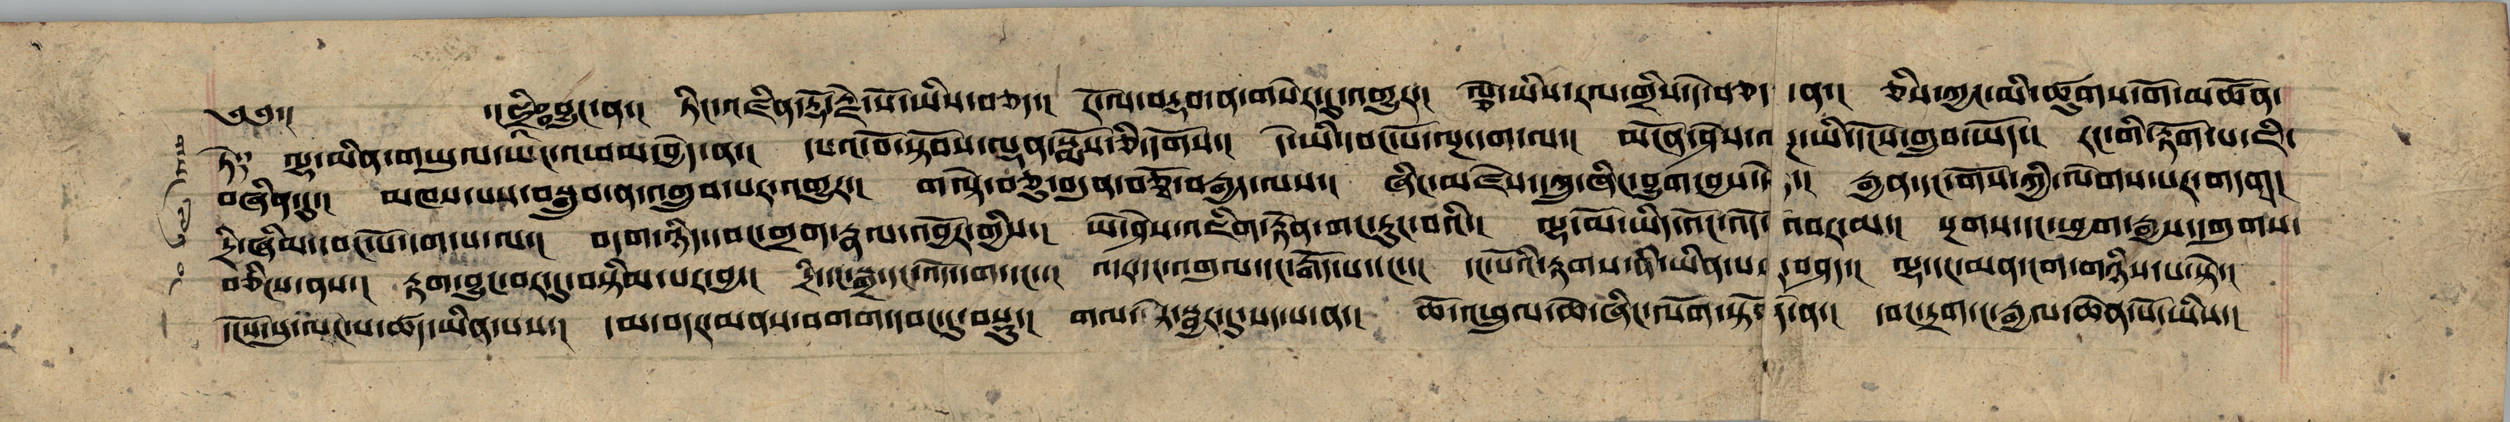༄༅་། ་།ཧྲིཿབྱུང་ན་། ཏིང་འཛིན་རྡོ་རྗེ་སོ་ཡིས་བཅད་། རོ་ལ་བརྡབ་ན་གསེར་དུ་འགྱུར་། ལྕེ་ཡིས་རལ་གྲིས་དེ་བཅད ་ན་། ཅིས་ཀྱང་མི་ཚུགས་གོ་མཚོན་
ཏེ༑ ལྷ་མིན་གཡུལ་ཡང་འཕམ་བྱེད་ན་། དཔའ་བོ་སྟོབས་ལྡན་སྨོས་ཅི་དགོས་། དེ་ཡི་དབང་པོ་ལྔ་དག་ལ་། མངོན་ཤེས་ལྔ་ཡི་དངོས་གྲུབ་ཡོད་། རང་གི་རྟོག་པ་ཇི་
བཞིན་དུ་། མཁས་པས་བསྒྲུབ་ན་འགྲུབ་པར་འགྱུར་། གལྟེ་བཅུ་བདུན་བཅྭོ་བརྒྱད་ལས་། ཞིང་མཛེས་དཀྲུ་ཞིང་བྱུག་བྱས་ཏེ་། རྒྱན་དང་གོས་ཀྱི་ལེགས་པར་གདགས།
དྲི་ཞིམ་དབང་པོ་དག་པ་ལ་། བདག་ཉིད་དབང་གྲག་རྣལ་འབྱོར་གྱིས་། ཡེ་ཤེས་འཇིག་རྟེན་གང་རུང་བའི་། ལྷ་མོ་ཡིད་འོང་འོད་ འབར་མ་། སྔགས་དང་ཕྱག་རྒྱས་དགུགས་
བཅིངས་ནས་། རྟག་བྱུང་བར་དུ་བསྟིམ་པར་བྱ་། དྲི་དང་སྒྲ་དང་འདོད་དག་དང་་། འདར་དང་འགུལ་དང་རྒོད་པ་དང་་། དང་པོའི་རྟགས་ནི་ཡིན་པར་བཤད་། ལྷ་དང་མན་ངག་གཉིས་པ་སྟེ་།
དངོས་སུ་ལང་པ་ཚད་ཡིན་པས་། དམ་བདར་མནས་བགག་དབང་དུ་བསྡུ་། གལ་ཏེ་སྦྱར་དུ་སད་པ་ན་། ཆོ་འཕྲུལ་ཆེ་ཞིང་ལོག་སྟོན་ན་། དབང་དྲག་ང་རྒྱལ་ཆེན་པོ་ཡིས་།